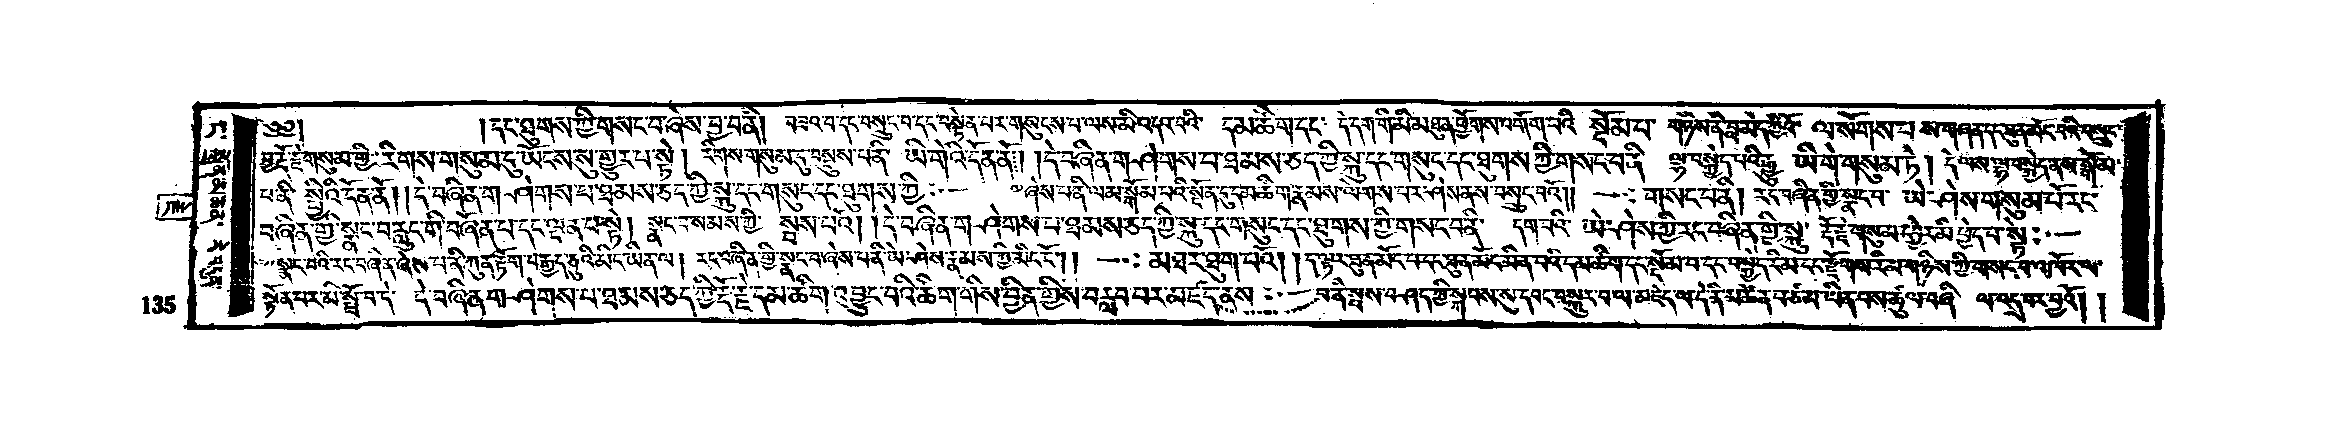༄༅། །དང་ཐུགས་ཀྱི་གསང་བ་ཞེས་བྱ་བ་ནི། བཟའ་བ་དང་བསྲུང་བ་དང་བསྟེན་པར་གསུངས་པ་ལས་མི་འདའ་བའི་དམ་ཚིག་དང་དེ་དག་གི་མི་མཐུན་ཕྱོགས་འགོག་པའི་སྡོམ་པ་གཉིས་ནི་བླ་མེད་ཀྱིའོ་ལ་སོགས་པས་གཞན་དང་ཐུན་མོང་བའི་བསྲུང་
བྱ་རྡོ་རྗེ་གསུམ་གྱི་རིགས་གསུམ་དུ་ཡོངས་སུ་གྱུར་པ་སྟེ། རིགས་གསུམ་དུ་བསྡུས་པ་ནི་ཡི་གེའི་དོན་ནོ། །དེ་བཞིན་གཤེགས་པ་ཐམས་ཅད་ཀྱི་སྐུ་དང་གསུང་དང་ཐུགས་ཀྱི་གསང་བ་ནི། ལྷ་བསྐྱེད་པའི་རྒྱུ་ཡི་གེ་གསུམ་ཏེ། དེ་ལས་ལྷ་བསྐྱེད་ནས་སྒོམ་
པ་ནི་སྤྱིའི་དོན་ནོ། །དེ་བཞིན་གཤེགས་པ་ཐམས་ཅད་ཀྱི་སྐུ་དང་གསུང་དང་ཐུགས་ཀྱི་ཞེས་པ་ནི་ལམ་སྒོམ་པའི་སྔོན་དུ་དམ་ཚིག་རྣམས་ལེགས་པར་ཤེས་ནས་བསྲུང་བའོ།། གསང་བ་ནི། རང་བཞིན་གྱི་སྣང་བ་ཡེ་ཤེས་གསུམ་པོ་རང་
བཞིན་གྱི་སྣང་བ་རླུང་གི་བཞོན་པ་དང་ལྡན་པ་སྟེ། སྣང་བ་སེམས་ཀྱི་སྦས་པའོ། །དེ་བཞིན་གཤེགས་པ་ཐམས་ཅད་ཀྱི་སྐུ་དང་གསུང་དང་ཐུགས་ཀྱི་གསང་བ་ནི་དག་པའི་ཡེ་ཤེས་ཀྱི་རང་བཞིན་གྱི་སྐུ་རྡོ་རྗེ་གསུམ་དབྱེར་མི་ཕྱེད་པ་སྟེ་
བ་སྣང་བའི་རང་བཞིན་ཞེས་པ་ནི་ཀུན་རྟོག་བརྒྱད་ཅུའི་མིང་ཡིན་ལ། རང་བཞིན་གྱི་སྣང་བ་ཞེས་པ་ནི་ཡེ་ཤེས་རྣམས་ཀྱི་མིང་ངོ། ། མཐར་ཐུག་པའོ། །ད་ལྟར་ཐུན་མོང་པ་དང་ཐུན་མོང་མིན་པའི་དམ་ཚིག་དང་སྡོམ་པ་དང་བསྐྱེད་རིམ་དང་རྫོགས་རིམ་གཉིས་ཀྱི་གསང་བ་འཁོར་ལ་
སྟོན་པར་མི་སྤྲོ་བ་དེ་དེ་བཞིན་གཤེགས་པ་ཐམས་ཅད་ཀྱི་རྡོ་རྗེ་དམ་ཚིག་འབྱུང་བའི་ཚིག་གིས་བྱིན་གྱིས་བརླབ་པར་མཛད་ནས་པ་ནི་སྦས་བཤད་ཀྱི་སྐབས་སུ་དབང་བསྐུར་བ་ལ་མཛད་ལ་དེ་ནི་མཚོན་པ་ཙམ་ཡིན་པས་ཚུལ་བཞི་ཀ་ལ་འདྲ་བར་བྱའོ། །